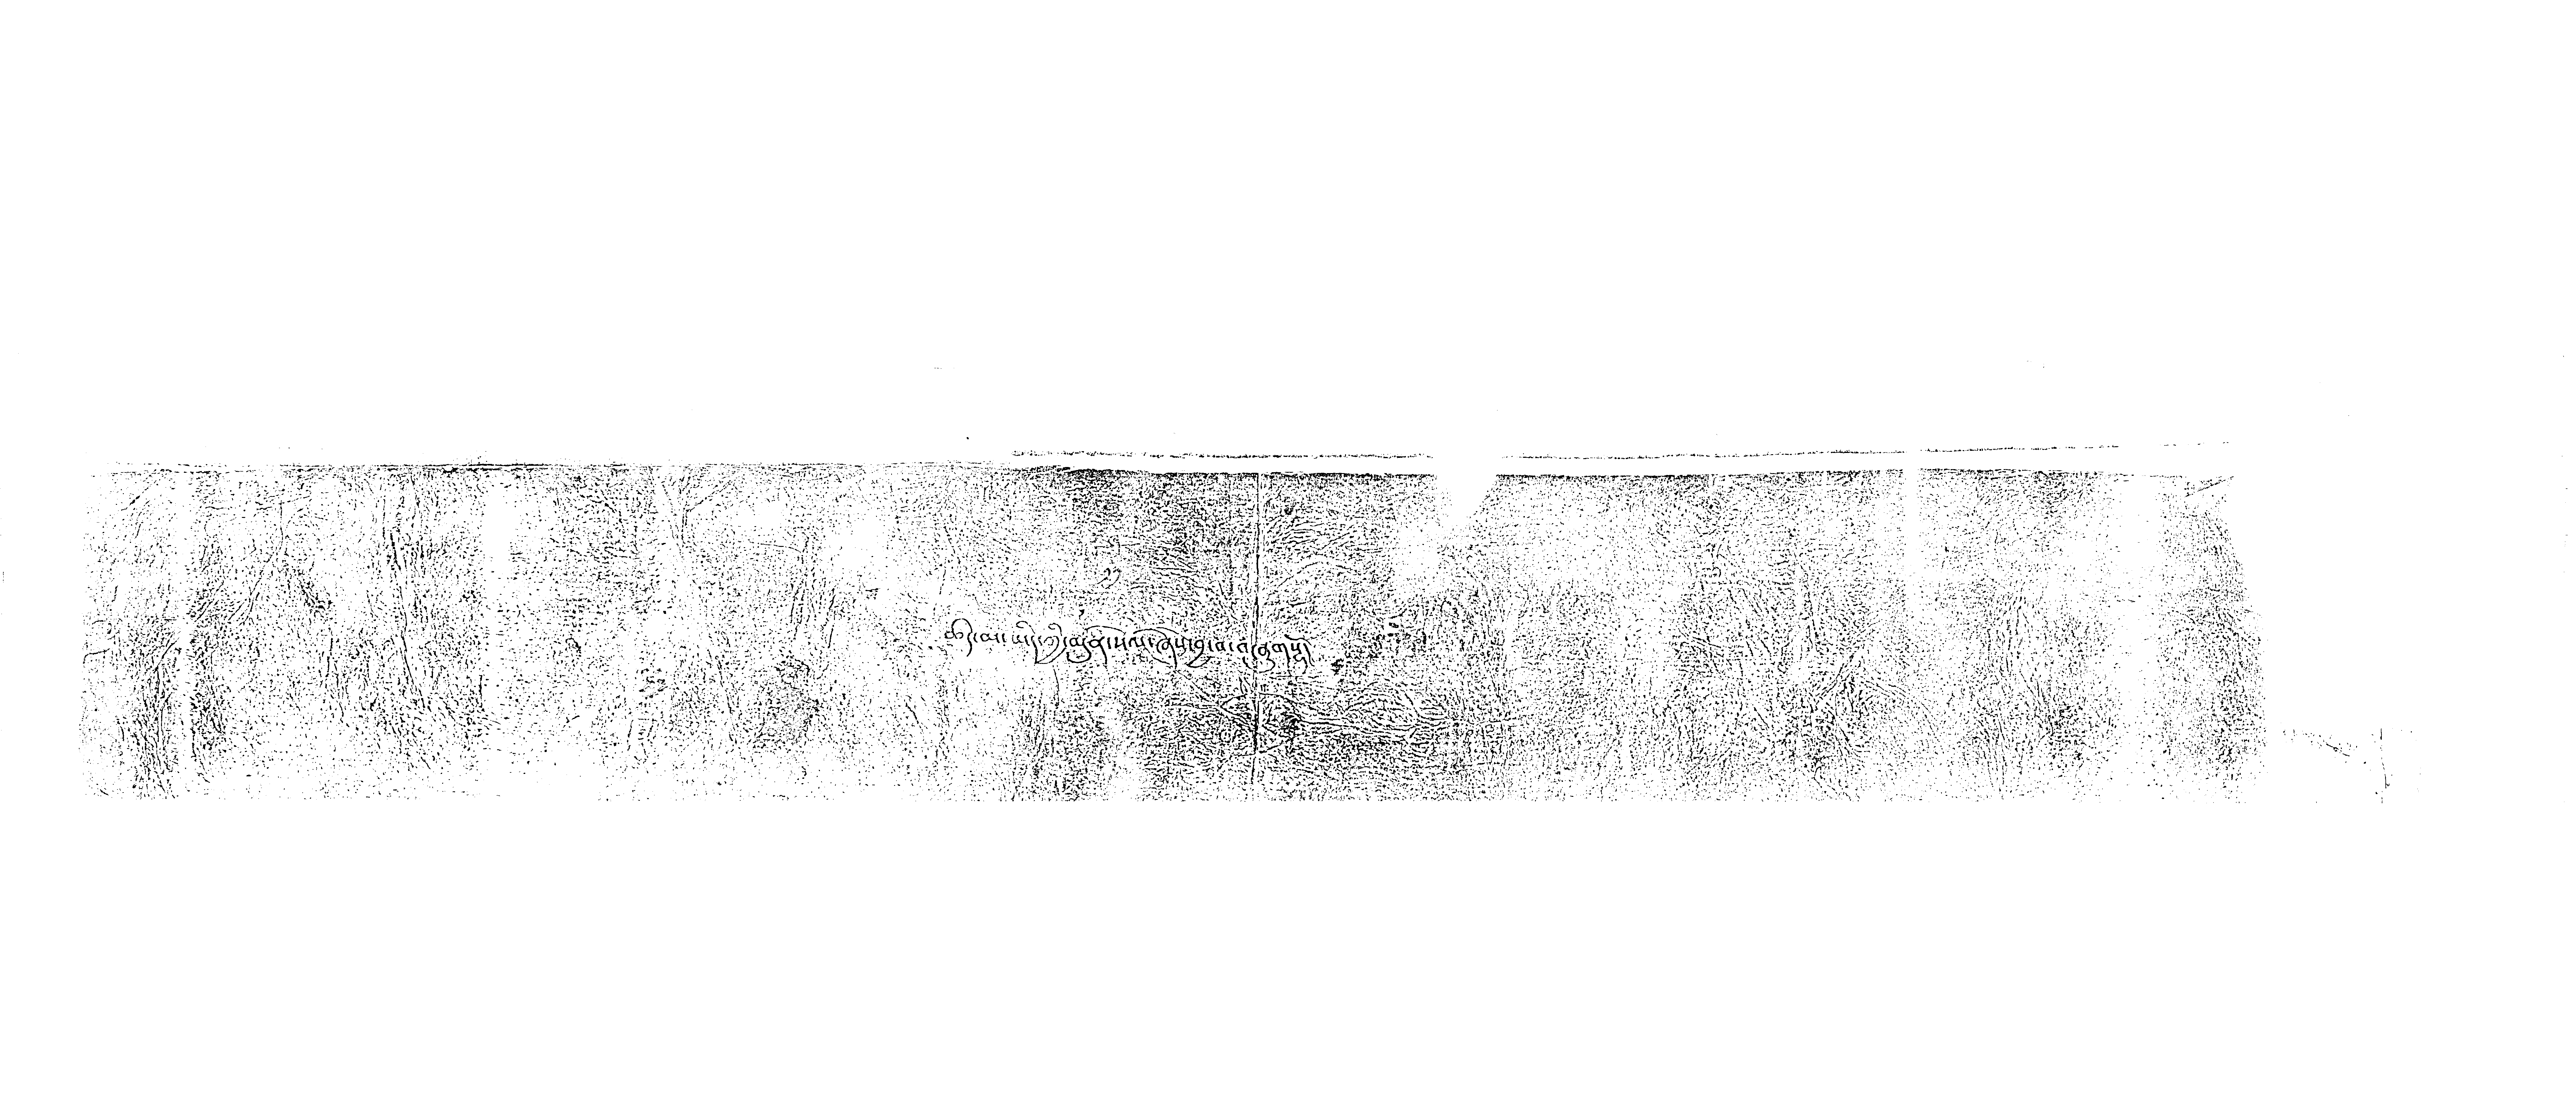ཚད་མ་ཡིད་ཀྱི་མུན་སེལ་ཞེས་སོ་བྱ་བ་བཞུགས་སོ།།